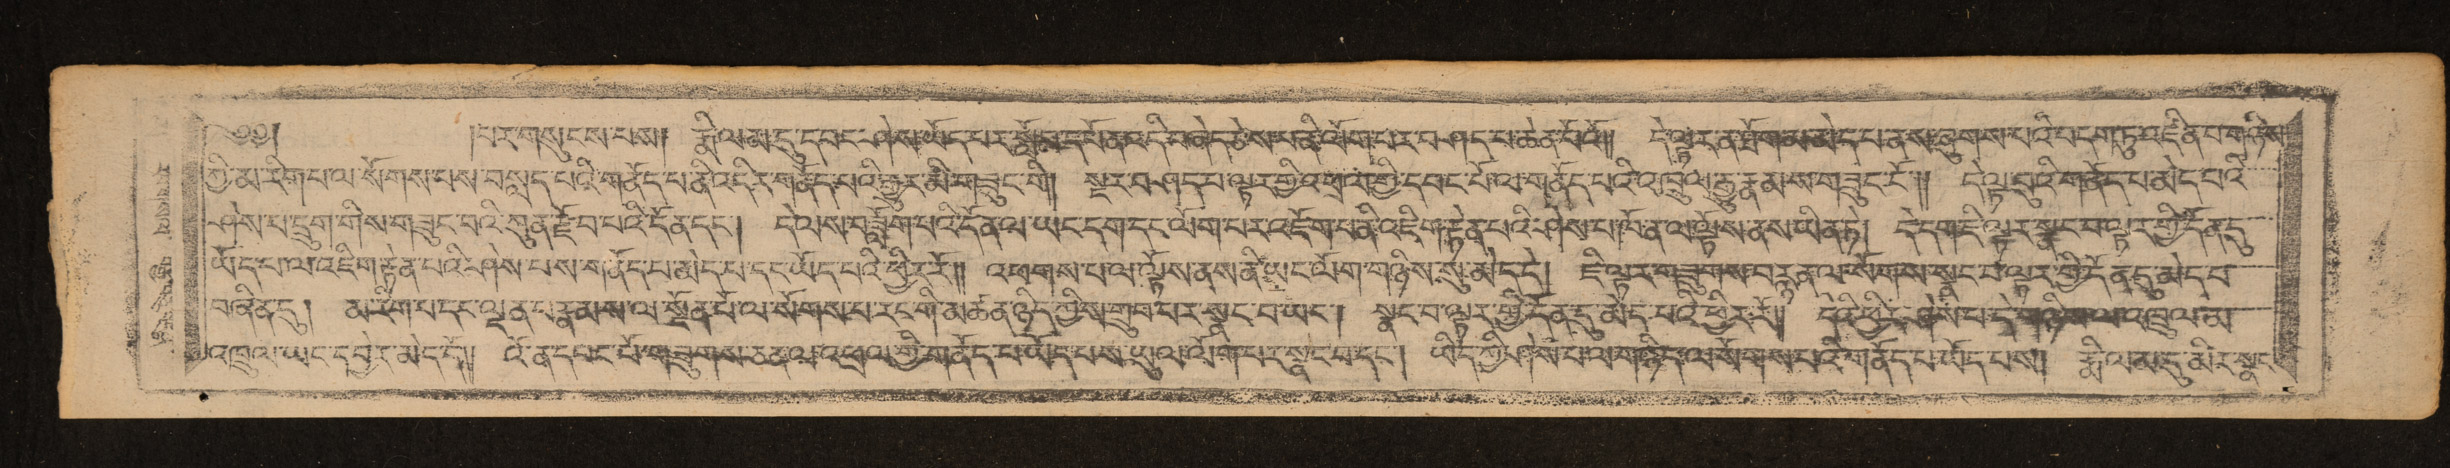༄༅། །པར་གསུངས་པས། རྨི་ལམ་དུ་དབང་ཤེས་ཡོད་པར་སློབ་དཔོན་འདི་བཞེད་ཅེས་པ་ནི་ལོག་པར་བཤད་པ་ཆེན་པོའོ།། དེ་ལྟར་ན་ཐོག་མ་མེད་པ་ནས་ཞུགས་པའི་བདག་ཏུ་འཛིན་པ་གཉིས་
ཀྱི་མ་རིག་པ་ལ་སོགས་པས་བསླད་པའི་གནོད་པ་ནི་འདིར་གནོད་པའི་རྒྱུར་མི་གཟུང་གི། སྔར་བཤད་པ་ལྟར་གྱི་འཕྲལ་གྱི་དབང་པོ་ལ་གནོད་པའི་འཁྲུལ་རྒྱུ་རྣམས་གཟུང་ངོ།། དེ་ལྟ་བུའི་གནོད་པ་མེད་པའི་
ཤེས་པ་དྲུག་གིས་གཟུང་བའི་ཀུན་རྫོབ་པའི་དོན་དང་། དེ་ལས་བཟློག་པའི་དོན་ལ་ཡང་དག་དང་ལོག་པར་འཇོག་པ་ནི་འཇིག་རྟེན་པའི་ཤེས་པ་ཁོ་ན་ལ་ལྟོས་ནས་ཡིན་ཏེ། དེ་དག་ཇི་ལྟར་སྣང་བ་ལྟར་གྱི་དོན་དུ་
ཡོད་པ་ལ་འཇིག་རྟེན་པའི་ཤེས་པས་གནོད་པ་མེད་པ་དང་ཡོད་པའི་ཕྱིར་རོ།། འཕགས་པ་ལ་ལྟོས་ནས་ནི་ཡང་ལོག་གཉིས་སུ་མེད་དེ། ཇི་ལྟར་གཟུགས་བརྙན་ལ་སོགས་སྣང་བ་ལྟར་གྱི་དོན་དུ་མེད་པ་
བཞིན་དུ། མ་རིག་པ་དང་ལྡན་པ་རྣམས་ལ་སྔོན་པོ་ལ་སོགས་པ་རང་གི་མཚན་ཉིད་ཀྱིས་གྲུབ་པར་སྣང་བ་ཡང་། སྣང་བ་ལྟར་གྱི་དོན་དུ་མེད་པའི་ཕྱིར་རོ།། དེའི་ཕྱིར་ཤེས་པ་དེ་གཉིས་ལ་འཁྲུལ་མ་
འཁྲུལ་ཡང་དབྱེར་མེད་དོ།། འོ་ན་དབང་པོ་གཟུགས་ཅན་ལ་འཕྲལ་གྱི་གནོད་པ་ཡོད་པས་ཡུལ་ལོག་པར་སྣང་བ་དང་། ཡིད་ཀྱི་ཤེས་པ་ལ་གཉིད་ལ་སོགས་པའི་གནོད་པ་ཡོད་པས། རྨི་ལམ་དུ་མིར་སྣང་